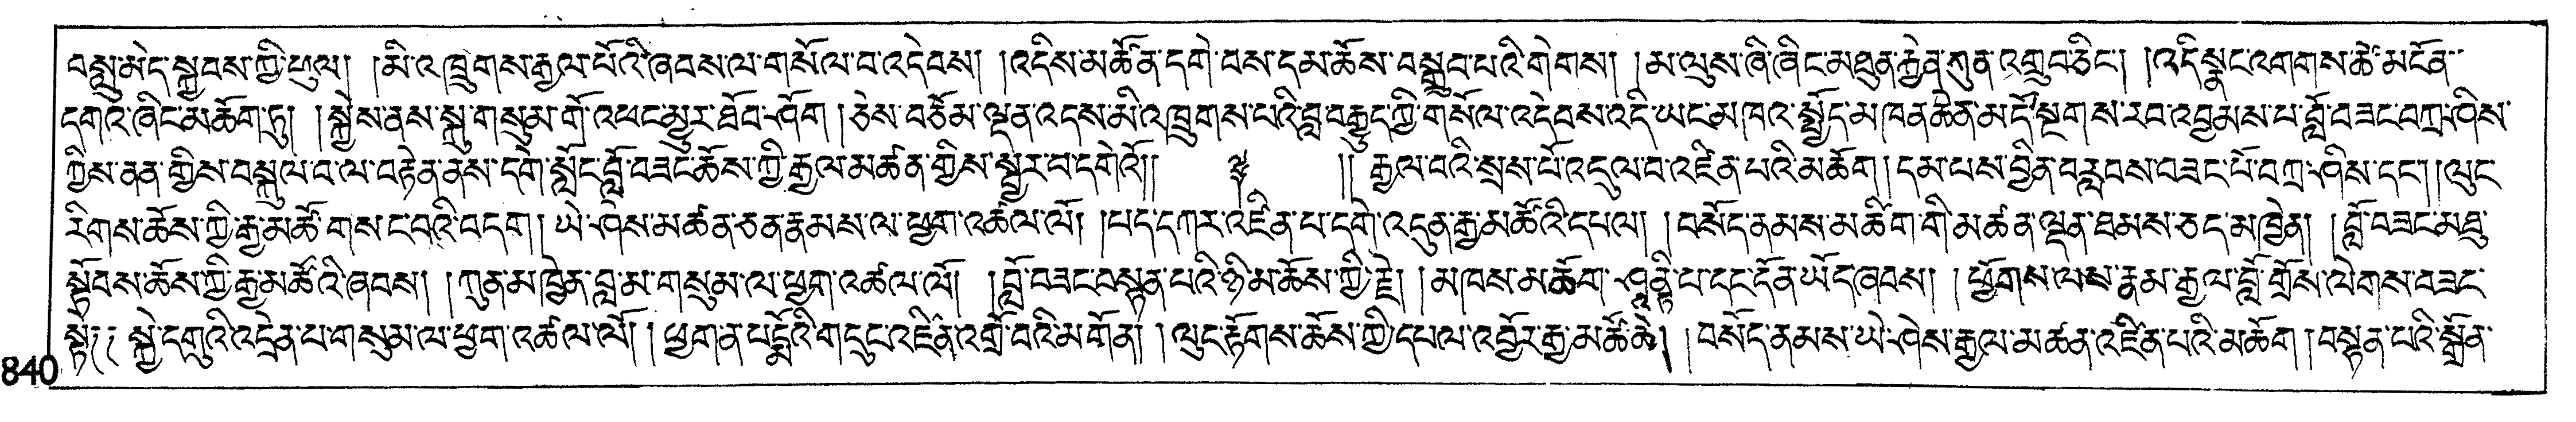བསླུ་མེད་སྐྱབས་ཀྱི་ཕུལ། །མི་འཁྲུགས་རྒྱལ་པོའི་ཞབས་ལ་གསོལ་བ་འདེབས། །འདིས་མཚོན་དགེ་བས་དམ་ཆོས་བསྒྲུབ་པའི་གེགས། །མ་ལུས་ཞི་ཞིང་མཐུན་རྐྱེན་ཀུན་འགྲུབ་ཅིང་། །འདི་སྣང་འགགས་ཚེ་མངོན་
དགའ་ཞིང་མཆོག་ཏུ། །སྐྱེས་ནས་སྐུ་གསུམ་གོ་འཕང་མྱུར་ཐོབ་ཤོག །ཅེས་བཅོམ་ལྡན་འདས་མི་འཁྲུགས་པའི་བླ་བརྒྱུད་ཀྱི་གསོལ་འདེབས་འདི་ཡང་མཁའ་སྤྱོད་མཁན་ཆེན་མདོ་སྔགས་རབ་འབྱམས་པ་བློ་བཟང་བཀྲ་ཤིས་
ཀྱིས་ནན་གྱིས་བསྐུལ་བ་ལ་བརྟེན་ནས་དགེ་སློང་བློ་བཟང་ཆོས་ཀྱི་རྒྱལ་མཚན་གྱིས་སྦྱར་བ་དགེའོ།། ༈ །།རྒྱལ་བའི་སྲས་པོ་འདུལ་བ་འཛིན་པའི་མཆོག །དམ་པས་བྱིན་བརླབས་བཟང་པོ་བཀྲ་ཤིས་དང་། །ལུང་
རིགས་ཆོས་ཀྱི་རྒྱ་མཚོ་གསང་བའི་བདག །ཡེ་ཤེས་མཚན་ཅན་རྣམས་ལ་ཕྱག་འཚལ་ལོ། །པད་དཀར་འཛིན་པ་དགེ་འདུན་རྒྱ་མཚོའི་དཔལ། །བསོད་ནམས་མཚིག་གི་མཚན་ལྡན་ཐམས་ཅད་མཁྱེན། །བློ་བཟང་མཐུ་
སྟོབས་ཆོས་ཀྱི་རྒྱ་མཚོའི་ཞབས། །ཀུན་མཁྱེན་བླ་མ་གསུམ་ལ་ཕྱག་འཚལ་ལོ། །བློ་བཟང་བསྟན་པའི་ཉི་མ་ཆོས་ཀྱི་རྗེ། །མཁས་མཆོག་ཤཱནྟི་པ་དང་དོན་ཡོད་ཞབས། །ཕྱོགས་ལས་རྣམ་རྒྱལ་བློ་གྲོས་ལེགས་བཟང་
སྟེ༑ ༑སྐྱེ་དགུའི་འདྲེན་པ་གསུམ་ལ་ཕྱག་འཚལ་ལོ། །ཕྱག་ན་པདམོའི་གདུང་འཛིན་འགྲོ་བའི་མགོན། །ལུང་རྟོགས་ཆོས་ཀྱི་དཔལ་འབྱོར་རྒྱ་མཚོ་ཆེ། །བསོད་ནམས་ཡེ་ཤེས་རྒྱལ་མཚན་འཛིན་པའི་མཆོག །བསྟན་པའི་སྒྲོན་